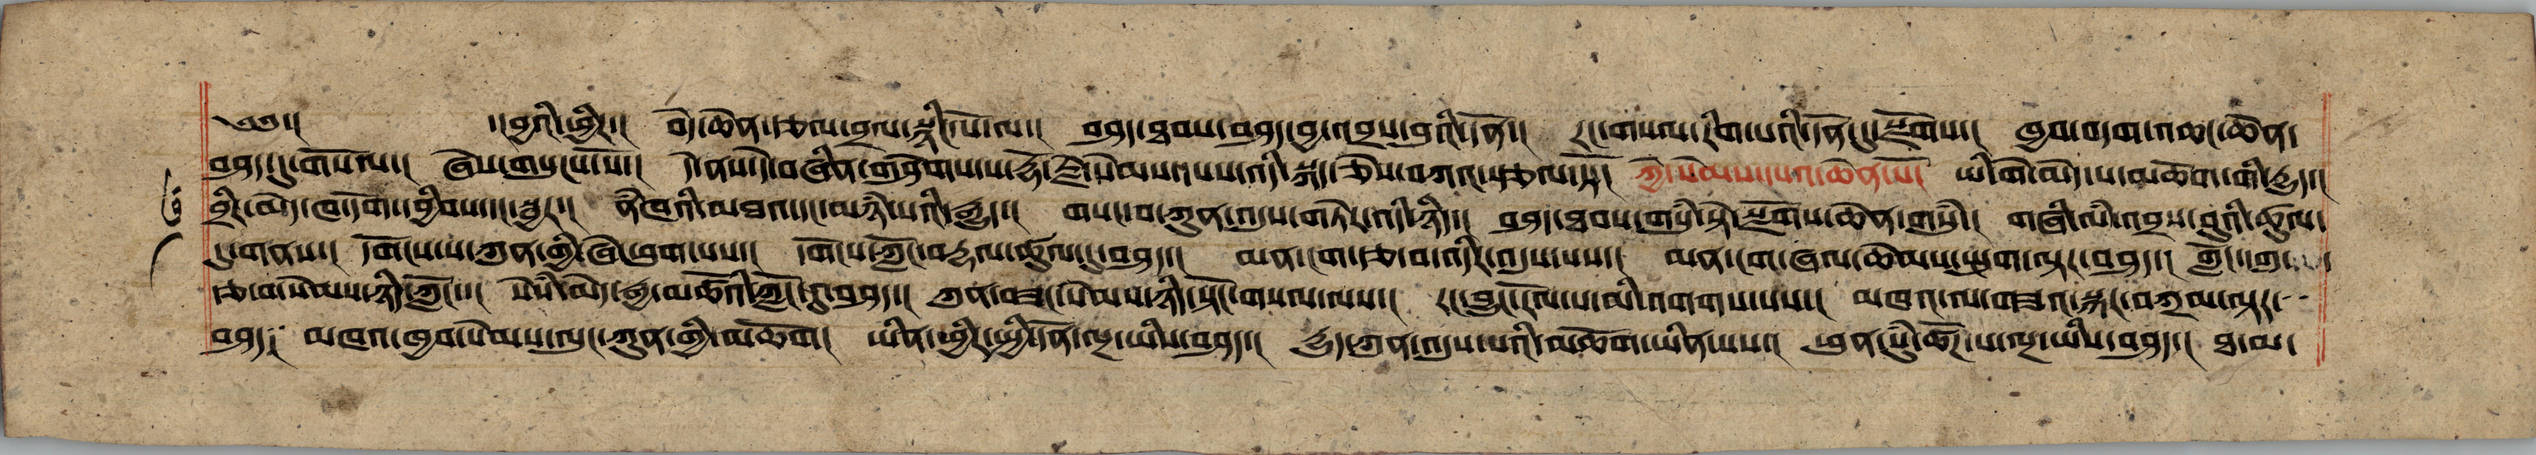༄༅་། ་།བྱའི་ཕྱིར་། བདེ་ཆེན་རྩལ་བྲལ་སྙིང་པོ་ལ་། བཤད་ཐབས་བཤད་བྱ་འབྲས་བུའི་དོན་། རངགསལ་རིག་པའི་དོན་དུ་སྫོགས་། ཁྱབ་བདག་འཆང་ཆེན་
བཤད་དུ་གསོལ་། ཞེས་གསུངས་སོ་། དེ་ནས་དེ་བཞིན་གཤེགས་པས་རྡོ་རྗེ་སེམས་དཔས་འདི་སྐད་ཅེས་བཀའ་སྩལ་ཏོ་། ཀྱེ་སེམས་དཔའ་ཆེན་པོ།། ཡི་གེ་མེད་པ་མཆོག་གི་དྱུད་
བྲིར་མེད་ཁ་དོག་དབྱིབས་དང་སྦྱར་། ནཾཁའི་མཐའ་དང་མཉཾ་པའི་རྒྱུད་། གསང་བ་ཀུན་འདུས་གཏེར་འདི་ཉིད་། བཤད་ཐབས་གསུཾ་སྟེ་སྫོགས་ཆེན་གསུཾ་། གཞི་ལཾ་འབྲས་བུའི་ཚུལ་
དུ་གནས་། དགོངས་པ་ཀུན་གྱི་ཞེ་ཕུག་པས་། དགོངས་ཀློང་བརྡལ་ཚུལ་དུ་བཤད་། མན་ངག་རྩ་བ་འདིར་འདུས་པས་། མན་ངག་ཞལ་ཆེམས་སྤུག་ལྟར་བཤད་། གློང་དགུན་
རྩ་བ་སེམས་ཉདི་ཀློང་་། སེསཾ་མེད་རྒྱ་མཚོའི་ཀློང་དུ་བཤད་། ཀུན་བཟང་སེམས་ཉིད་སྟོང་གསལ་ལས་། རང་བྱུང་རོལ་པ་མི་འགགས་པས་། མཁའ་ལ་གཟའ་སྐར་བཀྲམ་ལྟར་
བཤད༑ མཁའ་ཁྱབ་སེམས་ལུང་ཀུན་གྱི་མཆོག། ཡིན་ཕྱིར་སྤྱི་དོན་ལྔ་ཡིས་བཤད་། དྱུད་ཀུན་འདུས་པའི་མཆོག་ཡིན་པས་། ཕུན་སུཾ་ཚོཌ་པ་ལྔ་ཡིས་བཤད་། ཐ་མ་